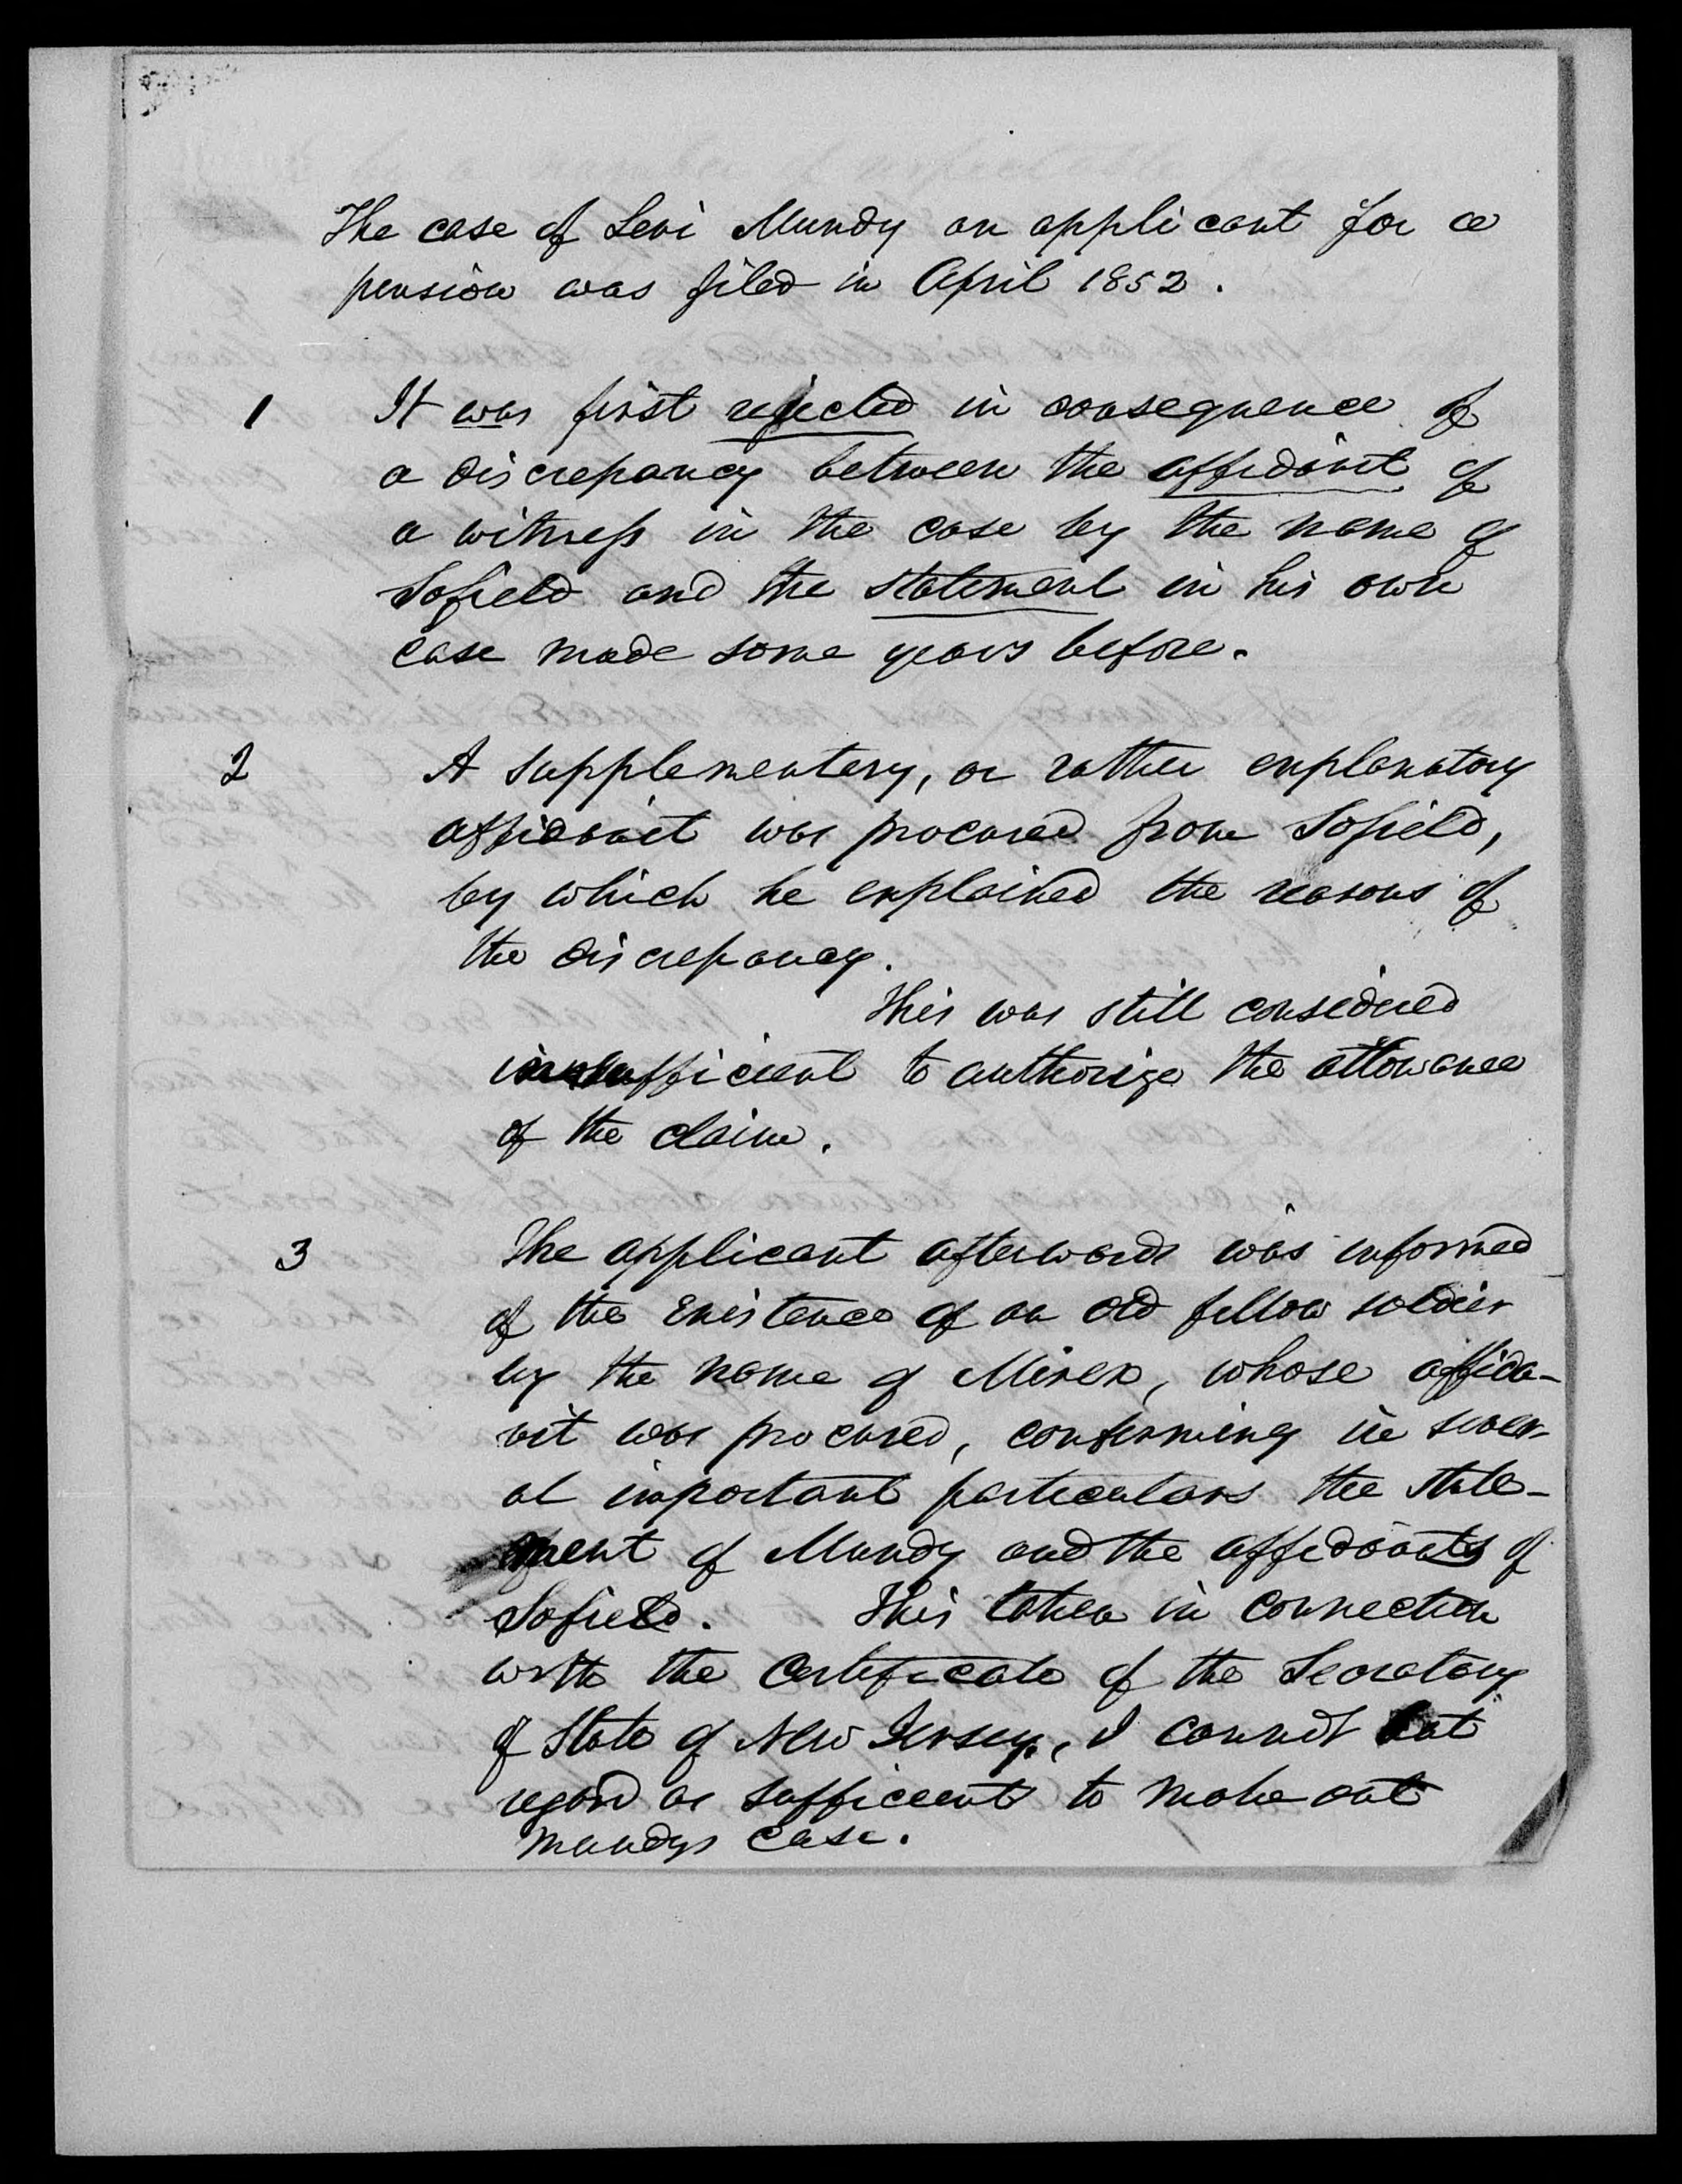The case of Levi Mundy, an applicant for a pension was filed in April 1852.

1. It was first rejected in consequence a discrepancy between the affidavit of a witness in the case by the name of Sofield and the statement in his own
case made some years before.

2. A supplementary, or rather explanatory affidavit was procured from Sofield, by which he explained the reasons of the discrepancy. This was still considered insufficient to authorize the allowance of the claim.

3. The applicant afterwards was informed of the existence of an old fellow soldier by the name of Minex, whose affidavit was procured, confirming in several important particulars the statements of Mundy and the affidavits of Sofield. This taken in connection with the certificate of the Secretary of State of New Jersey, I cannot that regard as sufficient to make out Mundy's case.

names: Levi Mundy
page: 58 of 95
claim: survivor's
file: S 2889, for Levi Mundy, New Jersey